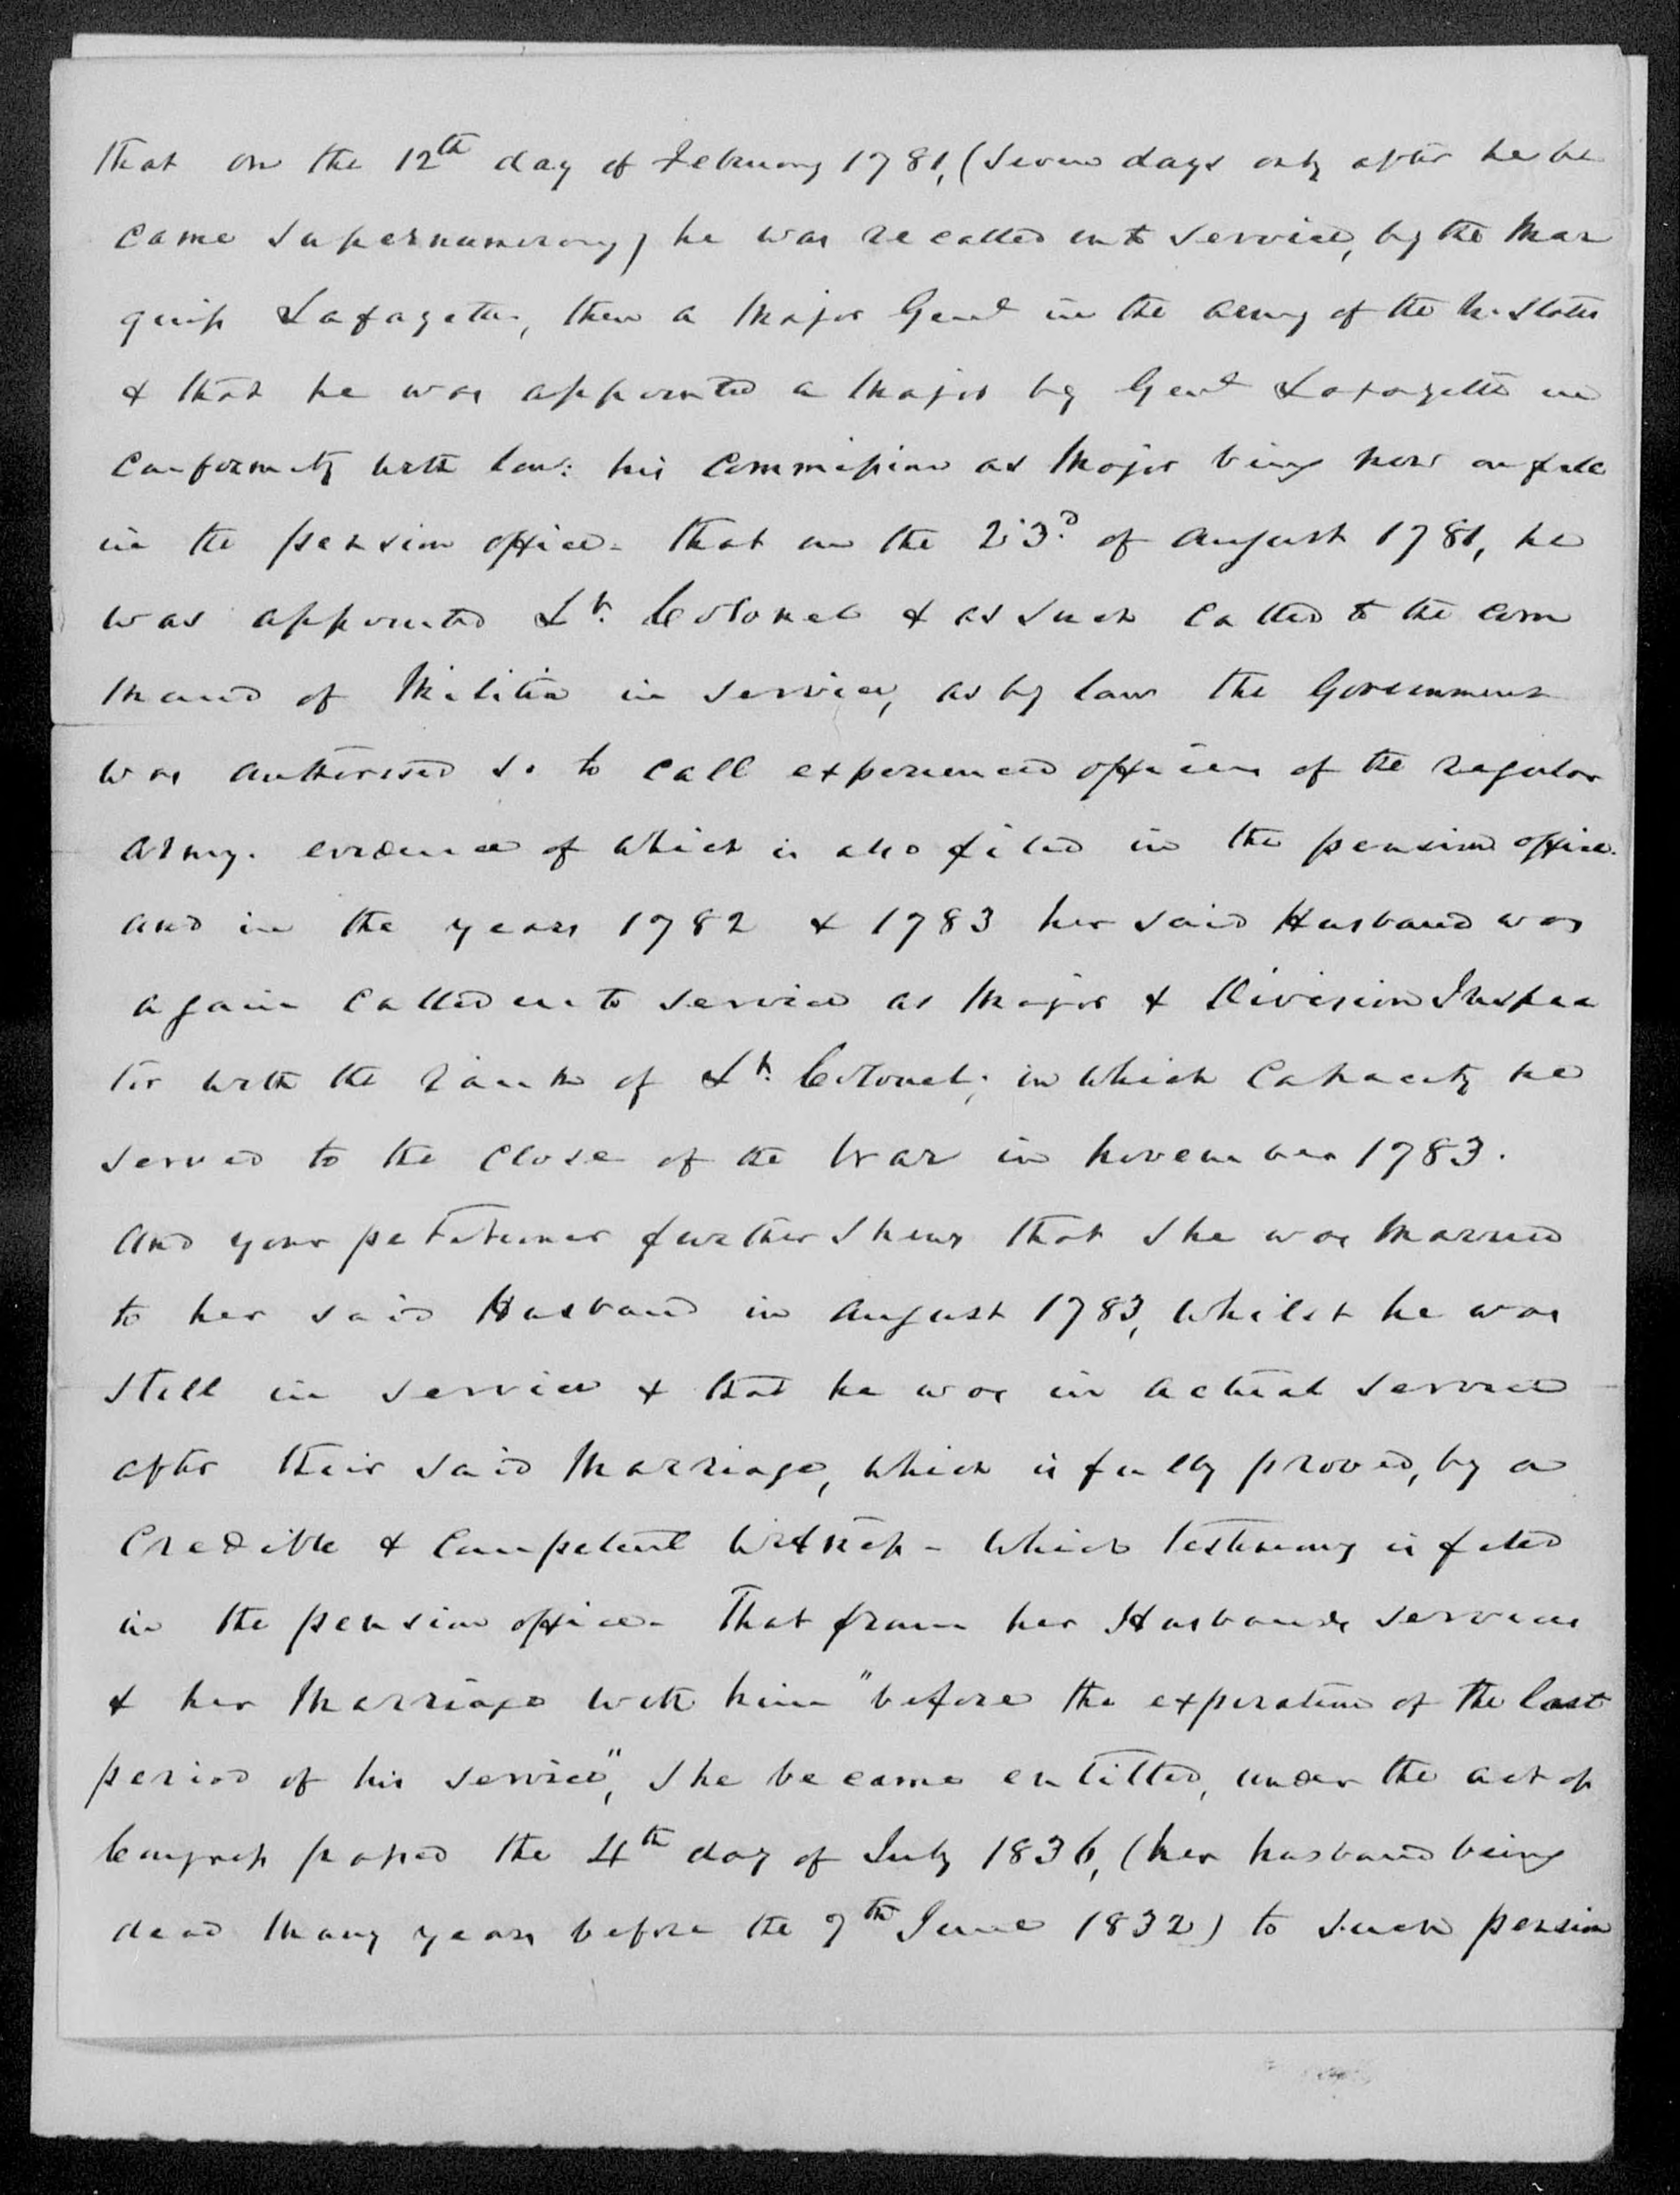that on the 12th day of February 1781, (Seven days only after he became Supernumerary) he was recalled into Service, by the Marquis Lafayette, then a Major Genl in the Army of the U. States & that he was appointed a Major Genl Lafayette in Conformity with law: his Commission as Major being now on file in the pension office. That on the 23d. of August 1781, he was appointed Lt. Colonel & as such called to the command of Militia in service, as by law the Governor was authorised so to call experienced officers of the regular Army. evidence of which is also filed in the pension office and in the year 1782 & 1783 her said Husband was again called into service as Major & Division Inspector with the rank of Lt. Colonel; in which Capacity he served to the close of the war in November 1783.
And your petitioner further shows that she was married to her said Husband in August 1783, whilst he was still in service & that he was in actual service after their said Marriage, which is fully proved, by a Credible & Competent Witness - Which testimony is filed in the pension office. That from her Husbands services & her Marriage with him "before the expiration of the last period of his service", She became entitled, under the act of Congress passed the 4th day of July 1836, (her husband being dead Many years before the 7th June 1832) to such pension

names: Lafayette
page: 177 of 267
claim: widow's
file: W. 4,149, William Campbell, Va.